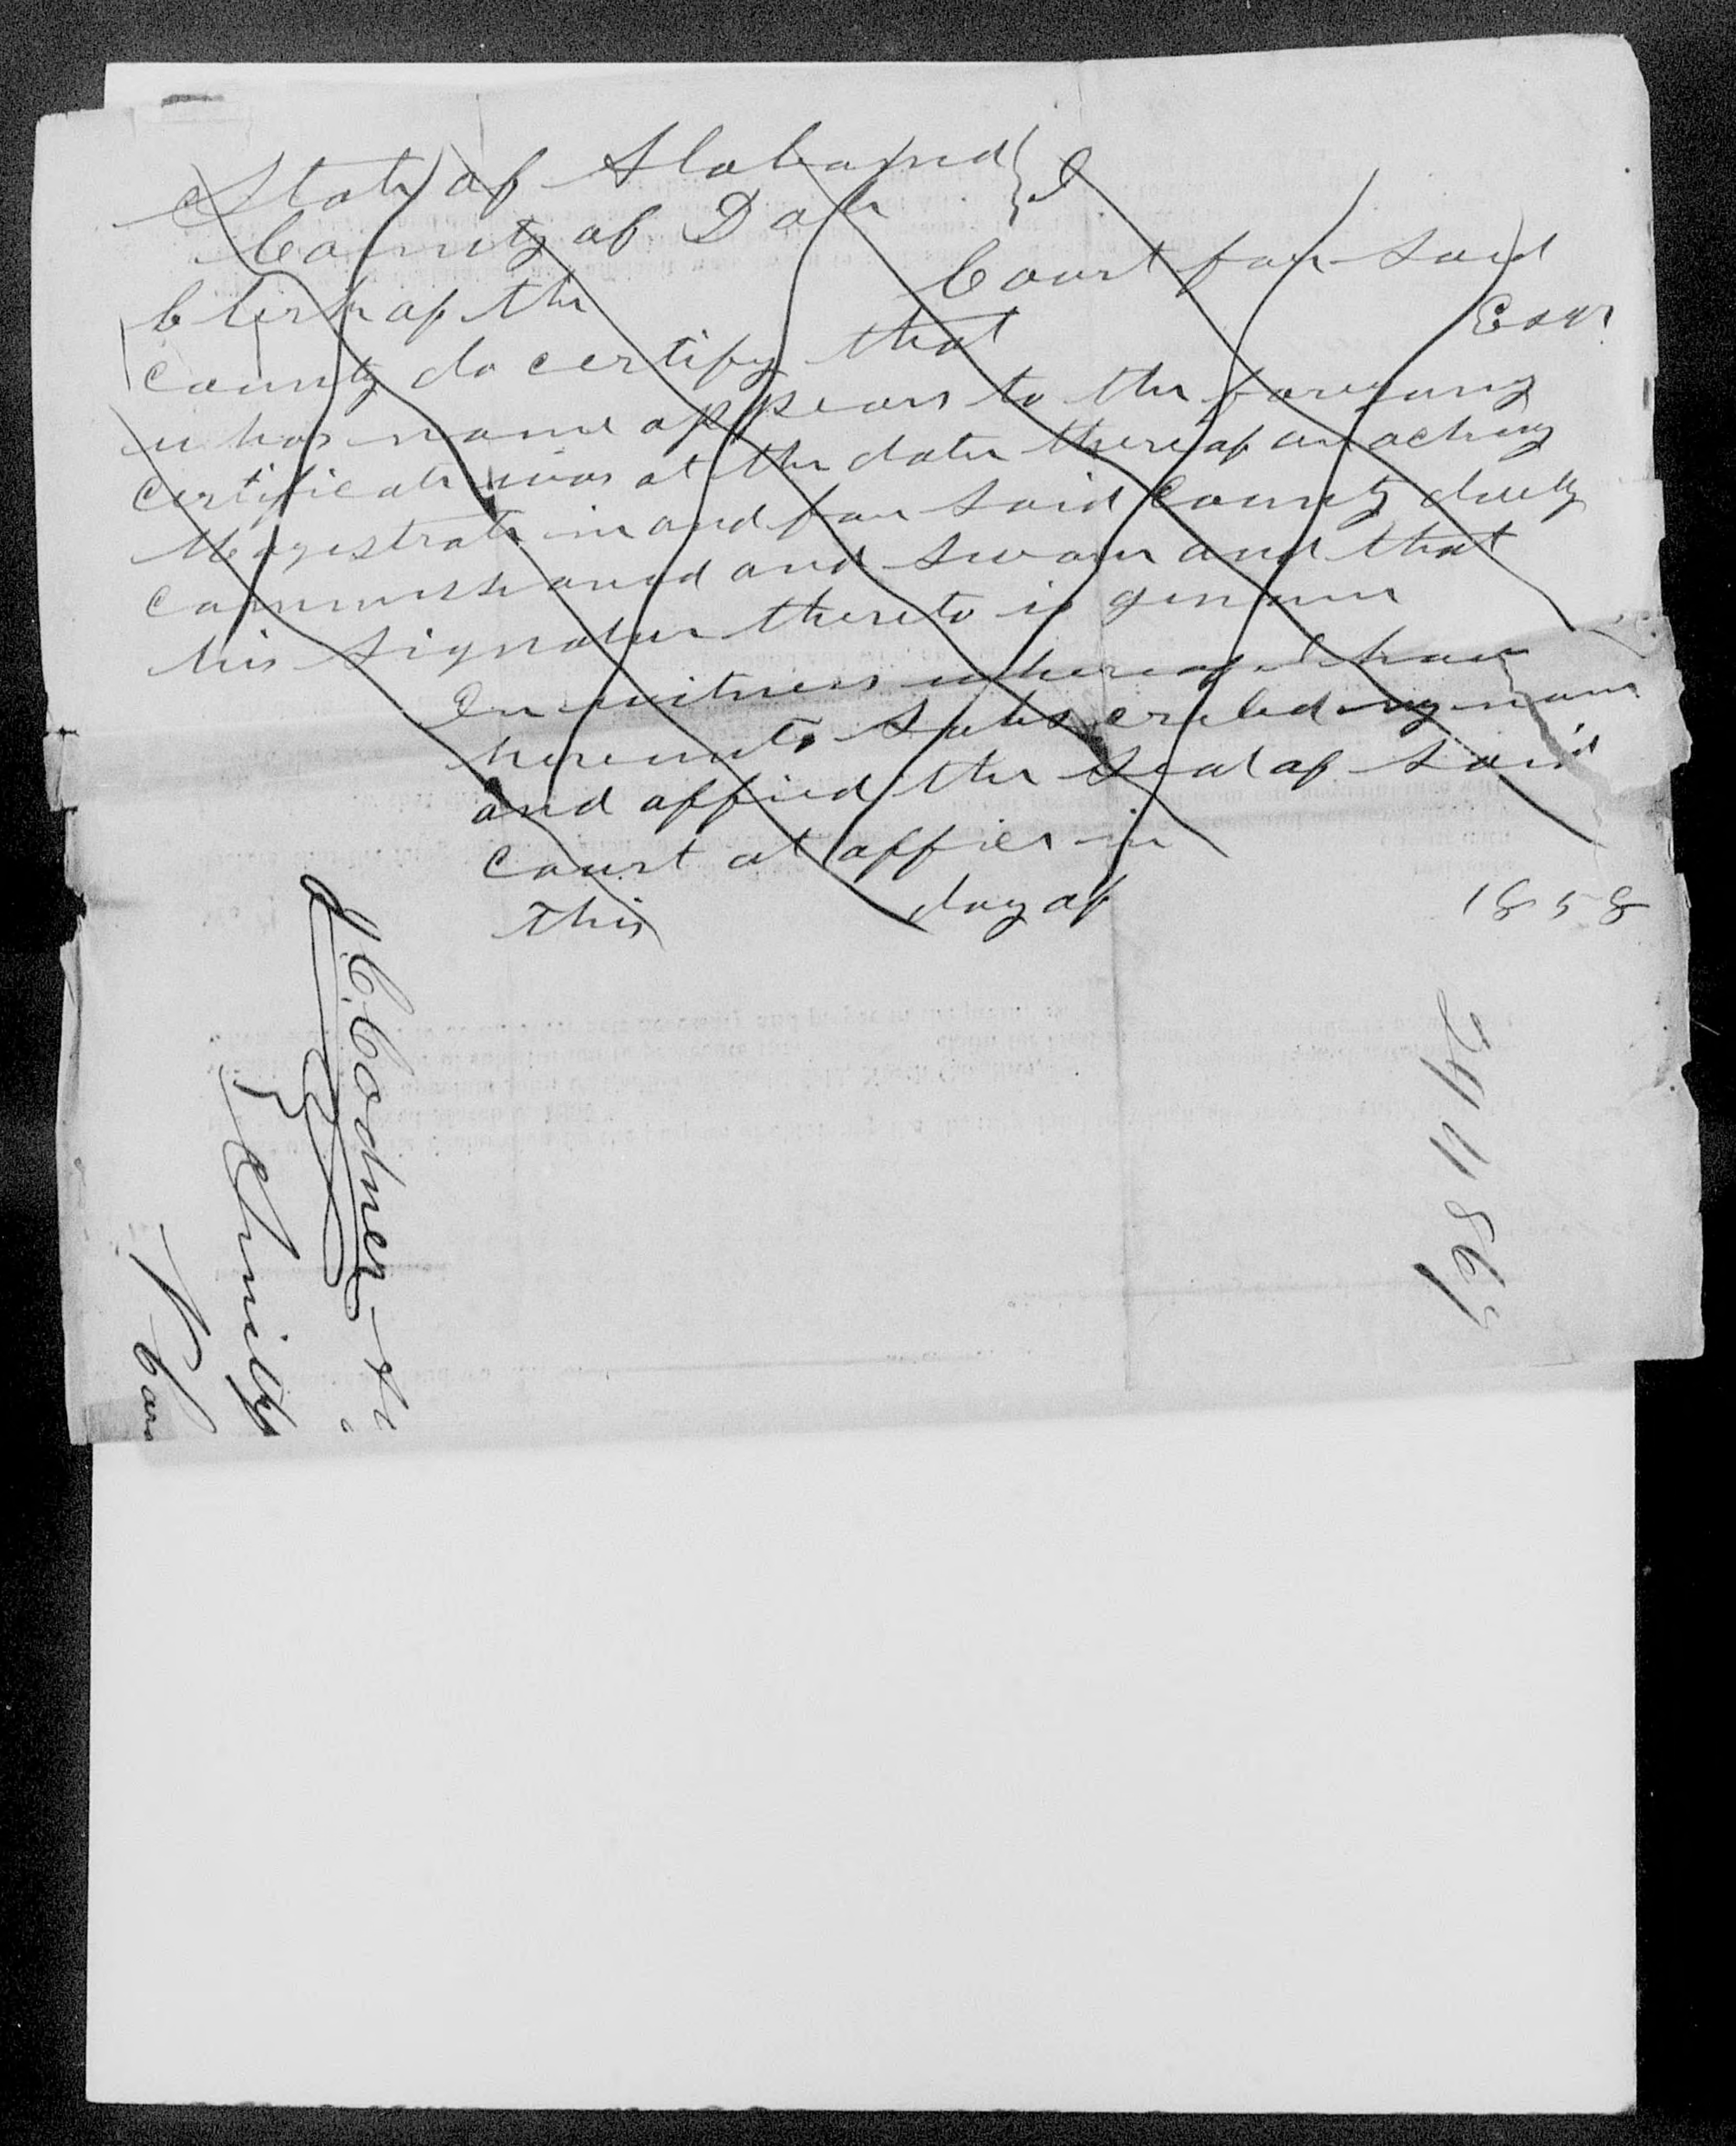[Crossed out certification form- also on previous page]

244869

J.C. Codner Atty
Smithfield
N Carolina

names: J C Codner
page: 22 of 86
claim: widow's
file: W. 6899, James Carrell, N.C.